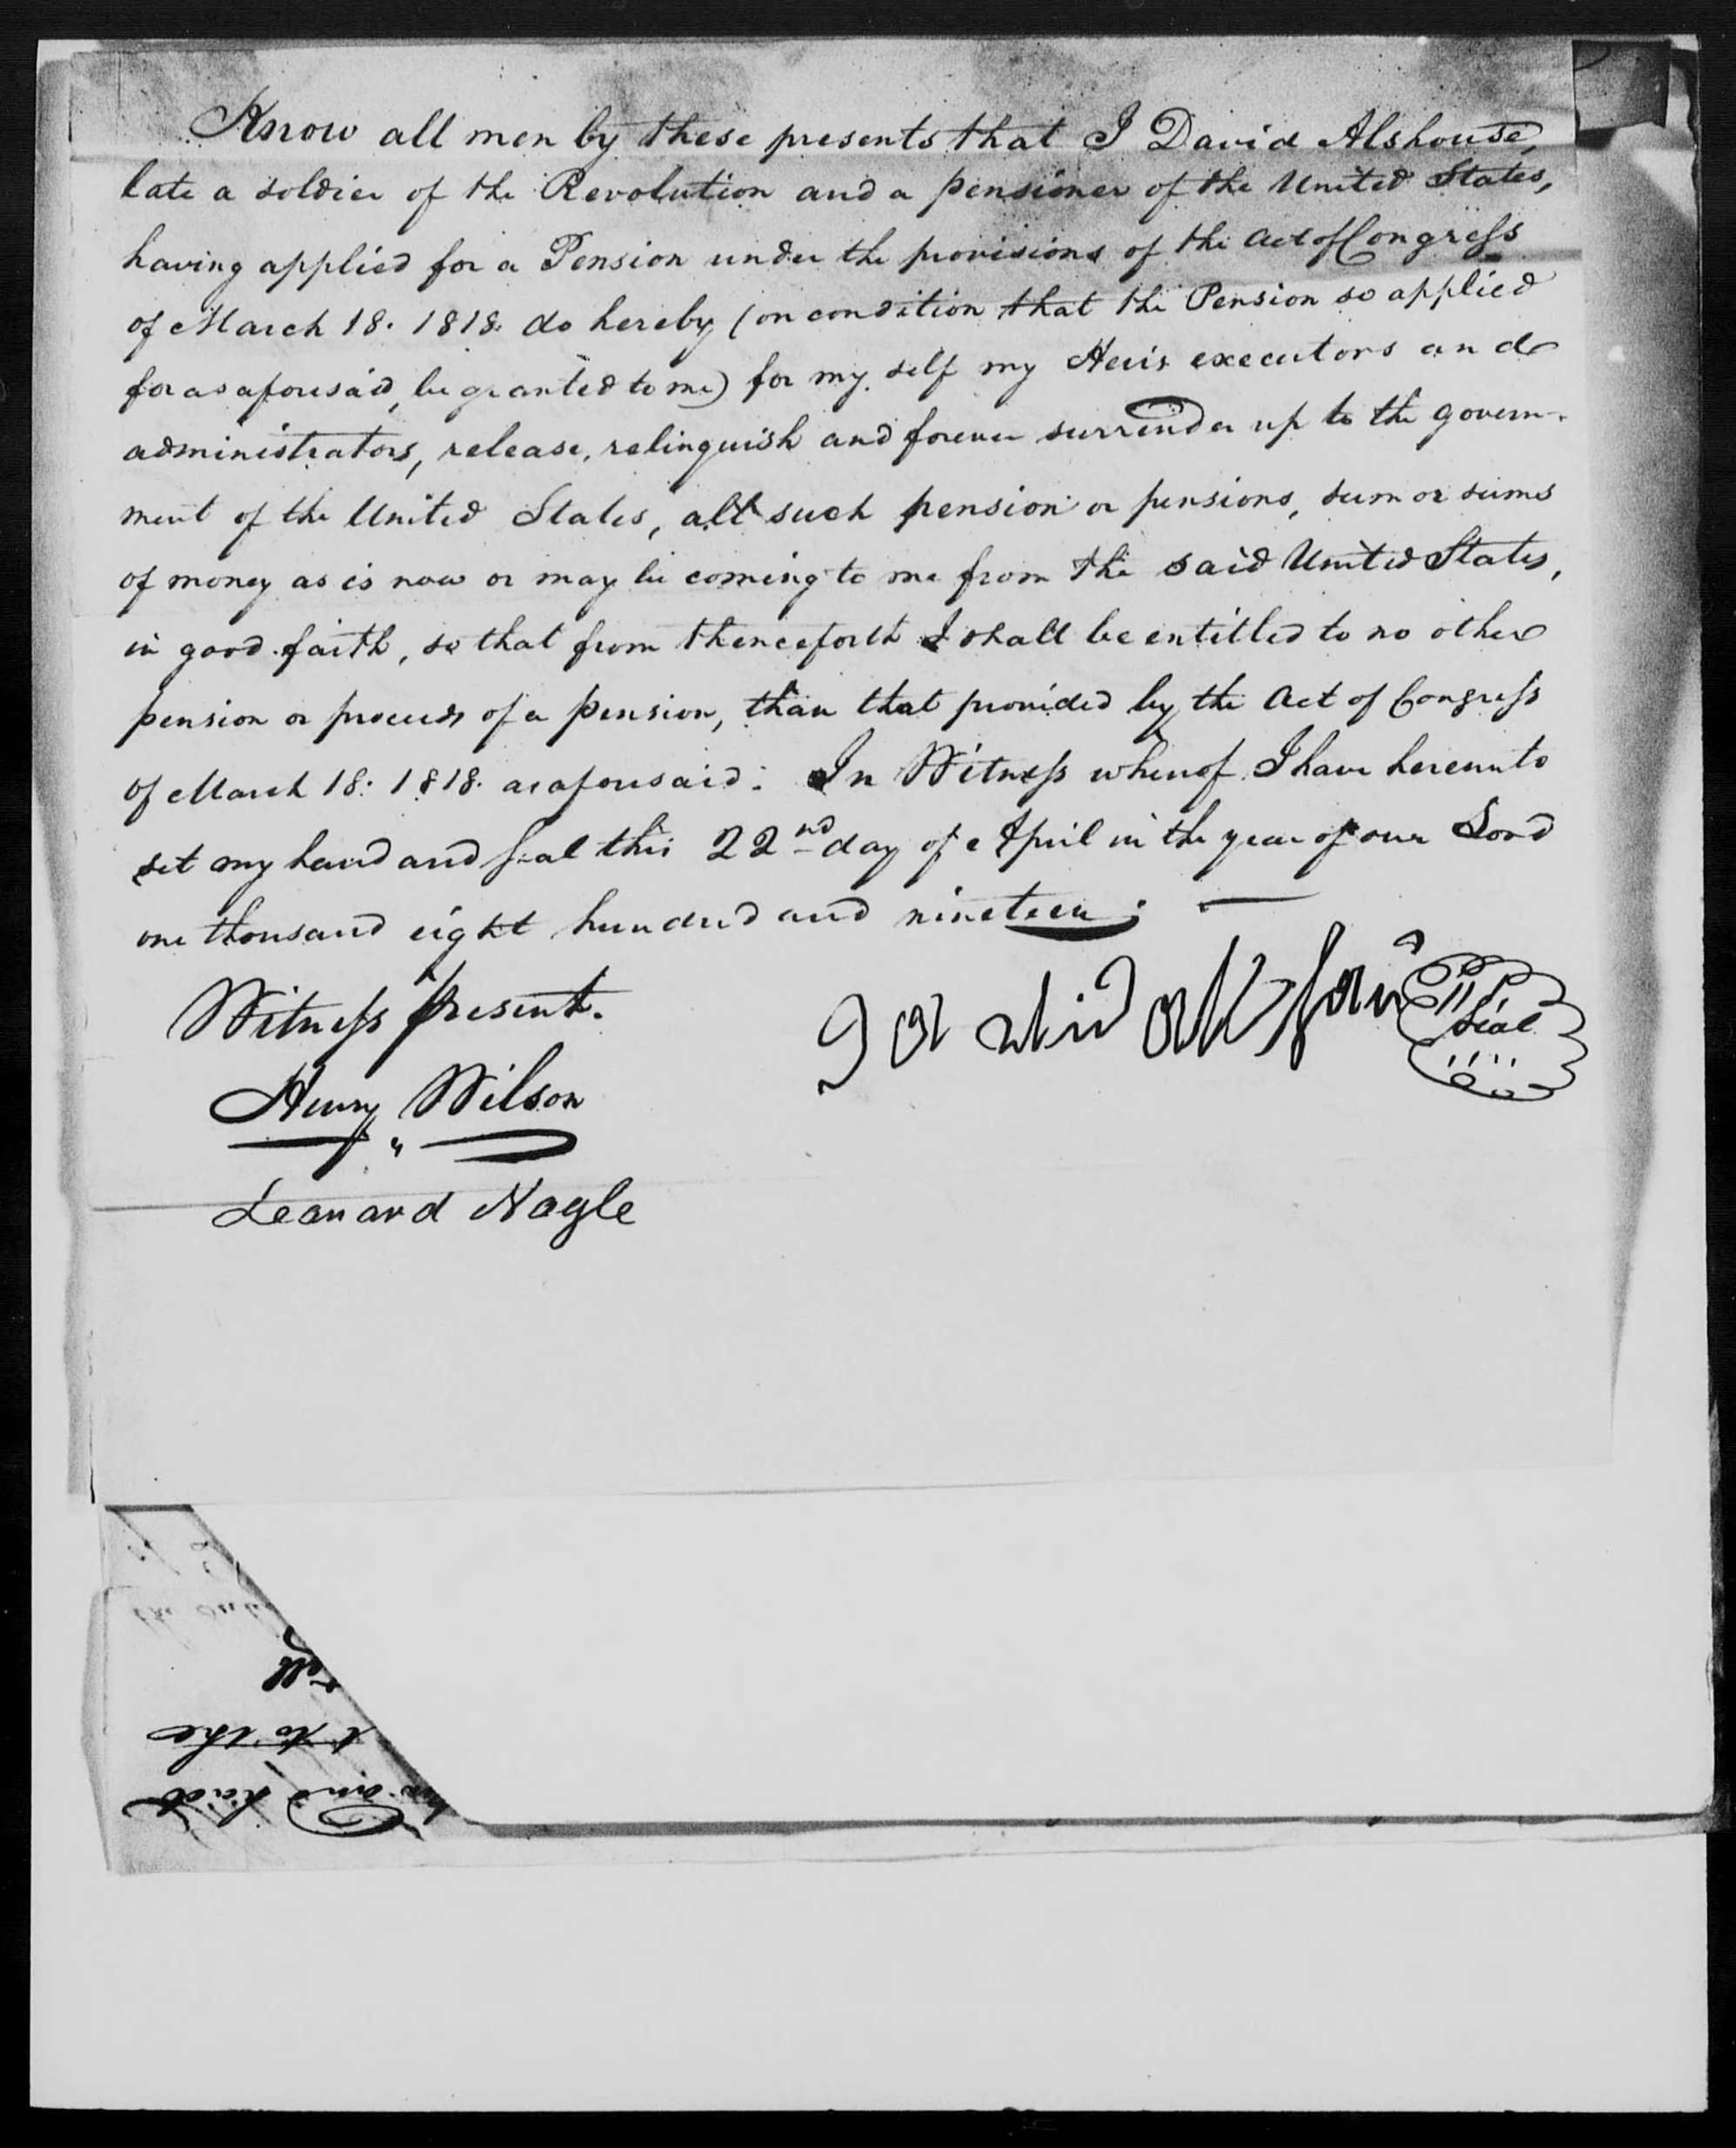Know all men by these presents that I David Alshouse, late a soldier of the Revolution and a pensioner of the United States, having applied for a Pension under the provisions of the Act of Congress of March 18.1818, do hereby (on condition that the pension so applied for as aforesaid be granted to me) for myself my heirs executors and administrators, release, relinquish and forever surrender up to the government of the United States, all such pension or pensions, sum or sums of money as is now or may be coming to me from the said United States, in good faith, so that from thenceforth I shall be entitled to no other pension or proceeds of a pension, than that provided by the Act of Congress of March 18. 1818 as aforesaid:  In Witness whereof I have hereunto set my hand and seal this 22nd day of April in the year of our Lord one thousand eight hundred and nineteen;-

David Alshouse [seal] [signature]

Witness present.
Henry Wilson [signature]
Leonard Nagle [signature]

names: David Alshouse, Henry Wilson, David Alshouse, Leanard Nagle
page: 6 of 17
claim: survivor's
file: S. 39928, David Alshouse, Penn.